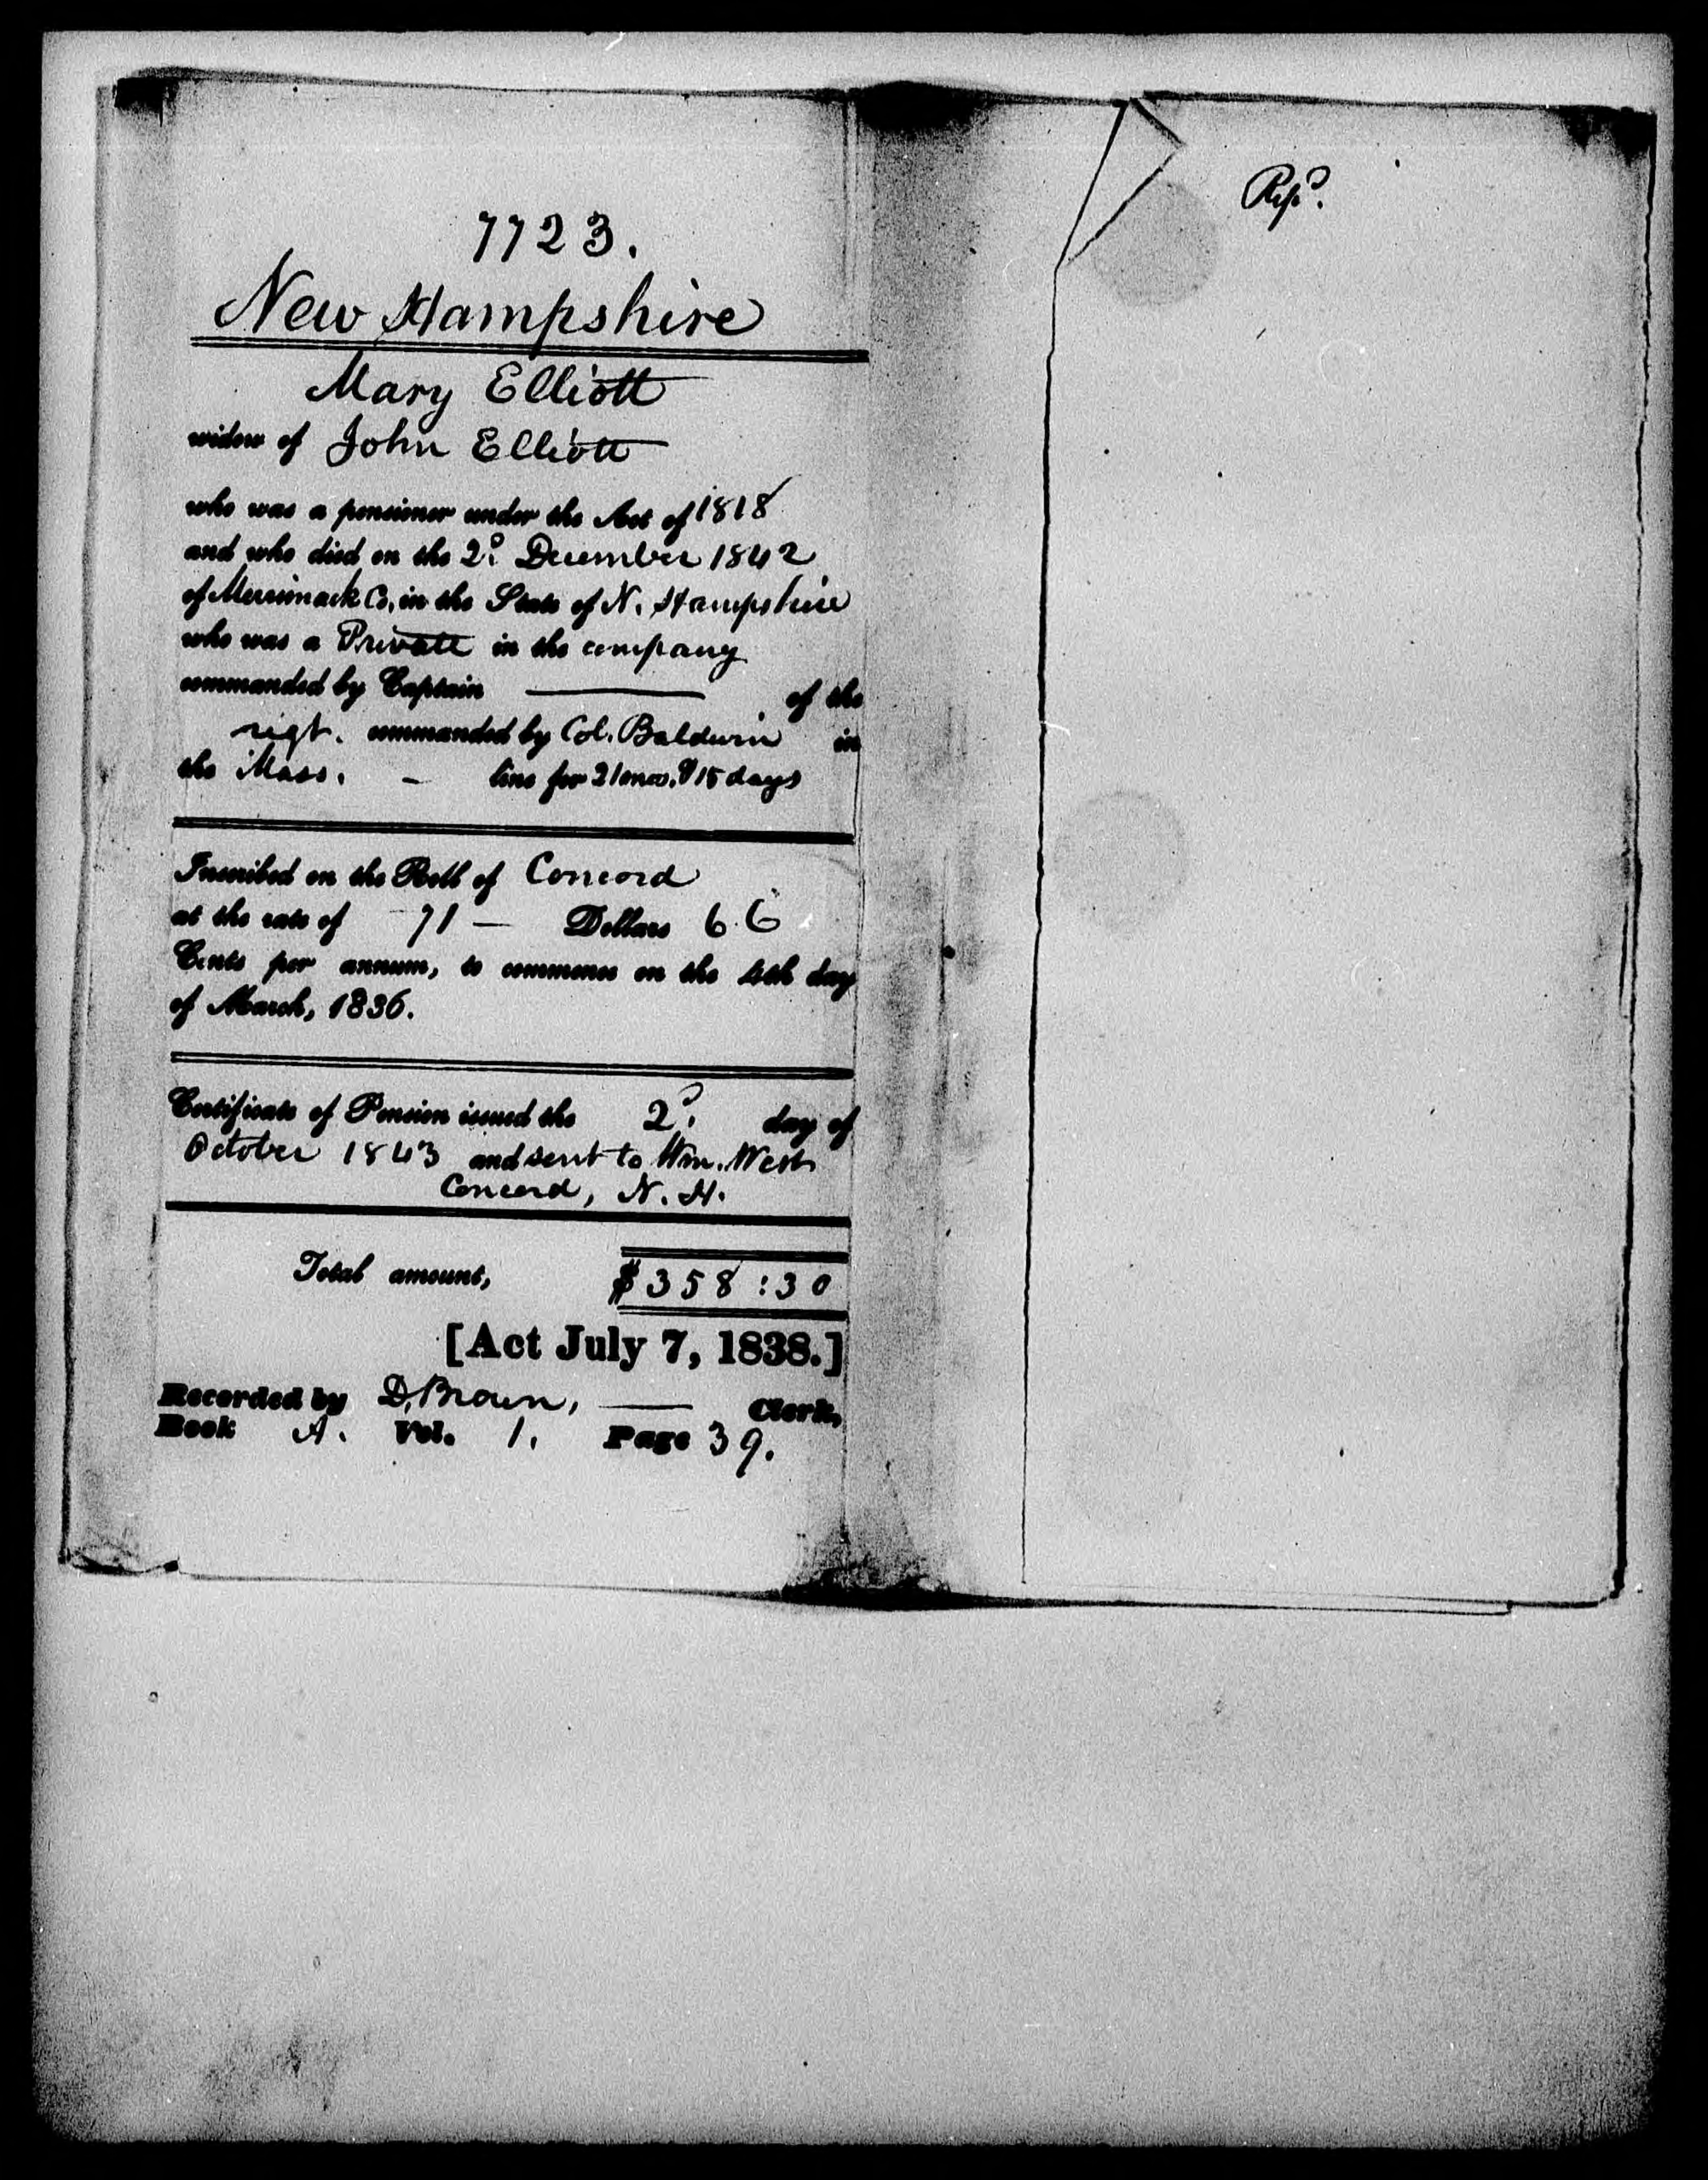7723
New Hampshire
-
Mary Elliott
widow of John Elliott
who was a pensioner under the Act of 1818
and who died on the 2d December 1842
of Merrimack Co. in the State of N. Hampshire
who was a Private in the company
commanded by Captain __
of the regt. commanded by Col. Baldwin in
Mass. - line for 21 months & 15 days 
Inscribed on the Roll of Concord
at the rate of 71 Dollars 66
Cents per annum, to commence on the 4th day
of March, 1836
Certificate of Pension issued the
2d day of October 1843 and sent to Wm. West
Concord, N.H.
Total amount $358:30
(Act July 7, 1838.)
Recorded by D. Brow Clerk
Book A. Vol 1 page 39
Regd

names: D Brown, Baldwin, John Elliott, Mary Elliott, Wm West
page: 26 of 57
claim: widow's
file: W. 16,114, John Elliot, Continental (Mass) N.H.